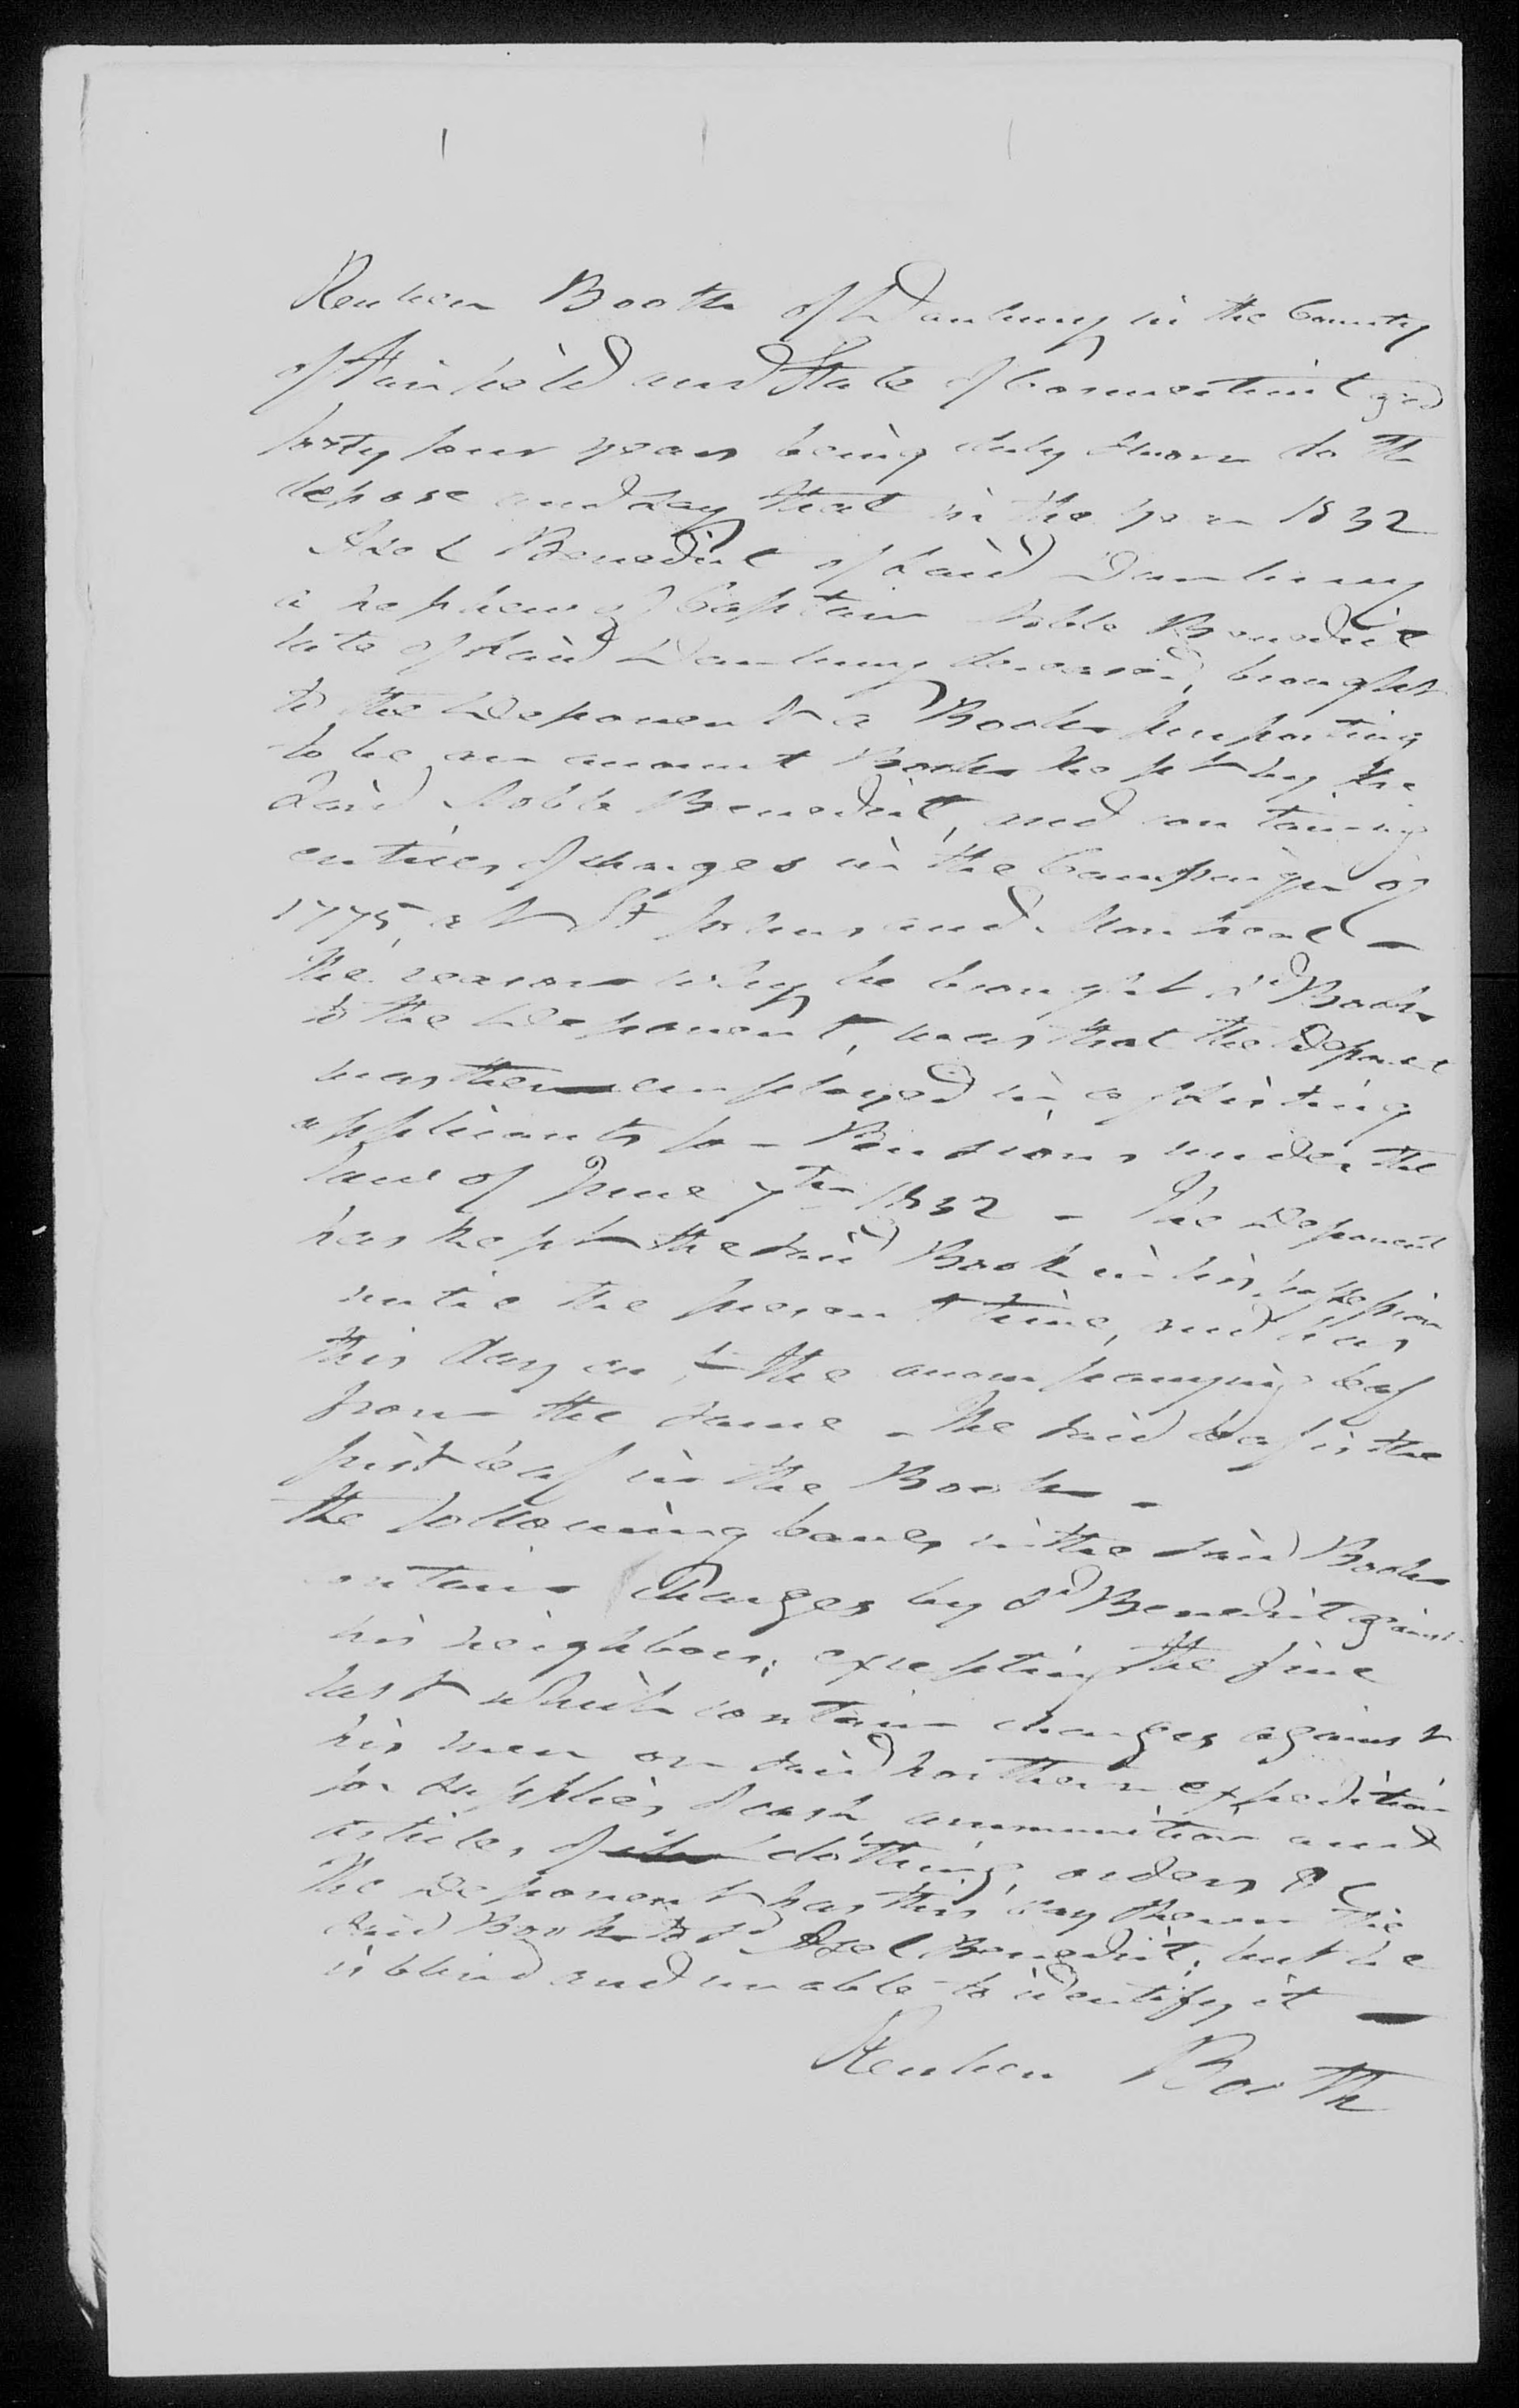Reuben Booth of Danbury in the County
of Faifield and State of Connecticut aged
sixty four years being duly sworn doth
depose and say that in the year 1832
Abel Benedict of said Danbury
a nephew of Captain Noble Benedict
late of said Danbury deceased brought
to the deponent a Book purporting
to be an account Book ???? the
said Noble Benedict recd containing
entries of charges in the Campaign of
1775 to St ???? and  Montreal
The reason ??? he brought sd book
to the deponent was that the deponent
was then engaged in assisting 
the states that he served
was employed in assisting
applicants for Pensions under the
act of June 7th 1832- The deponent
has kept the said Book in his possession
until the present time and has 
this day as the ???? foregoing ???
from the same the said
list of in the Book
The following beingin the said Book
contains charges by Sd Benedict against
his neighbors, excepting the five
last & sd Book contains charges against
his men on said northern expedition
for edibles & each communication

Unreadable

                             Reuben Booth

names: Reuben Booth, Abel Benedict, Noble Benedict, Abel Benedict, Noble Benedict, Reuben Booth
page: 21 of 56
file: [ILLEGIBLE], Jonah Benedict, Conn.